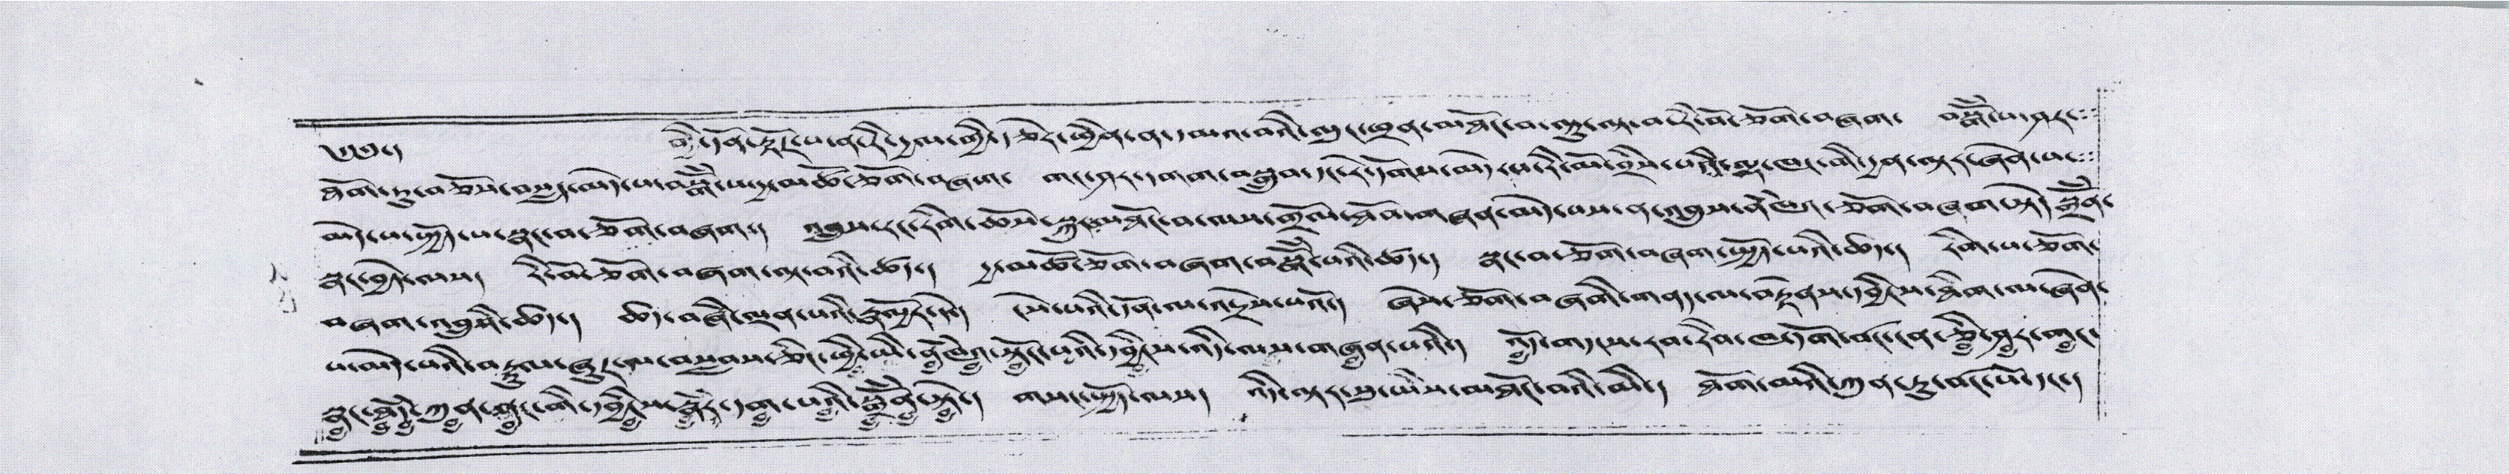གྱི་དོན་རྟོགས་པ་ན་རི་རྒྱལ་གྱི་རྩེར་ཕྱིན་ན་དམའ་བའི་ལུང་ཕྲན་མཐོང་བ་ལྟ་བུ་རི་བོ་ཅོག་བཞག སྒོམ་པ་ཤར་
ཐོག་ཏུ་བཅོས་སླད་མེད་པ་བསྒོམ་པ་རྒྱ་མཚོ་ཅོག་བཞག གང་ཤར་དགག་སྒྲུབ་དང་རེ་དྭོགས་མེད་པ་རི་མོ་བྲིས་པའི་ལྷ་ཁང་གི་རྒྱན་ལྟར་ཞེན་པ་
མེད་པར་སྤྱོད་པ་སྣང་བ་ཅོག་བཞག འབྲས་བུ་རང་རིག་ཆོས་སྐུ་མཐོང་བ་ལས་གྲོལ་ཐོབ་གཞན་མེད་པས་ན་འབྲས་བུ་ནམ་མཁའ་ཅོག་བཞག་སྟེ་སྒྲོན་མ་
སྣང་བྱེད་ལས། རི་བོ་ཅོག་བཞག་ལྟ་བའི་ཚད། རྒྱ་མཚོ་ཅོག་བཞག་སྒོམ་པའི་ཚད། སྣང་བ་ཅོག་བཞག་སྤྱོད་པའི་ཚད། རིག་པ་ཅོག་
བཞག་འབྲས་བུའི་ཚད། ཚད་གཞི་ལྡན་པའི་རྣལ་འབྱོར་ཏེ། ངེས་པའི་དོན་ལ་འདྲེས་པའོ། ཞེས་ཅོག་བཞག་གི་གནད་ལ་བརྟེན་ནས་དབྱིངས་ཐིག་ལ་ཞེན་
པ་མེད་པའི་རྟུལ་ཞུགས་ལ་བསླབ་ཅིང་ཕྱི་ཡི་ནམ་མཁའ་སྟོང་པའི་དབྱིངས་འདི་ལས་གཞན་པའི། འོད་གདངས་རབ་རིབ་ཁ་དོག་བཟང་ངན་ཅི་ཤར་གང་
སྣང་ཐམས་ཅད་ཀུན་སྣང་གི་དབྱིངས་རྣམ་པར་དག་པའི་སྒྲོན་མ་སྟེ། གསང་སྤྱོད་ལས། འདི་ལྟར་སུ་ཡིས་མཐོང་བའི་མི། ཐོག་མའི་ཀུན་ཏུ་བཟང་པོ་དང་།